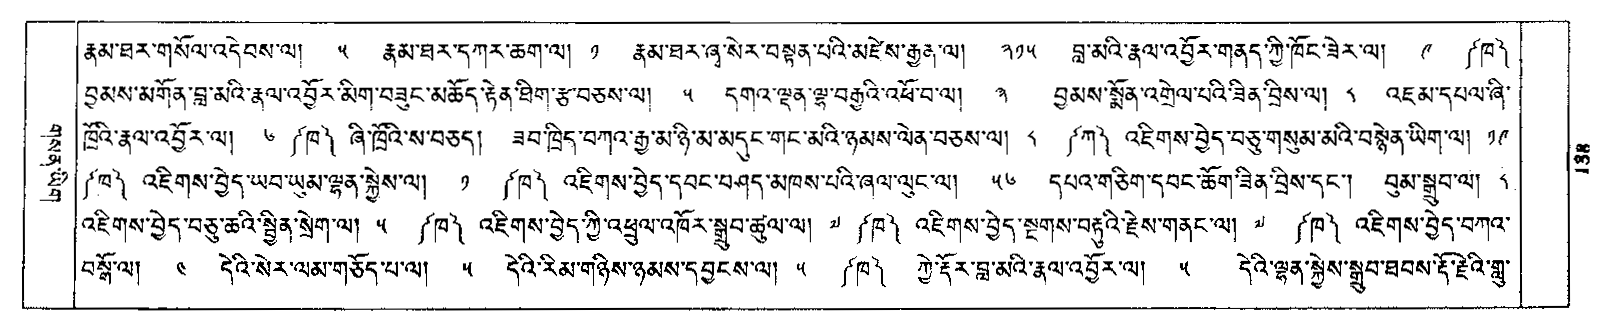རྣམ་ཐར་གསོལ་འདེབས་ལ། ༥་རྣམ་ཐར་དཀར་ཆག་ལ། ༡་རྣམ་ཐར་ཞྭ་སེར་བསྟན་པའི་མཛེས་རྒྱན་ལ། ༢༡༥་བླ་མའི་རྣལ་འབྱོར་གནད་ཀྱི་ཁོང་ཟེར་ལ། ༩་?ཁ
བྱམས་མགོན་བླ་མའི་རྣལ་འབྱོར་མིག་བཟུང་མཆོད་རྟེན་ཐིག་རྩ་བཅས་ལ། ༥་དགའ་ལྡན་ལྷ་བརྒྱའི་འཕོ་བ་ལ། ༣་བྱམས་སྨོན་འགྲེལ་པའི་ཟིན་བྲིས་ལ། ༨་འཇམ་དཔལ་ཞི་
ཁྲོའི་རྣལ་འབྱོར་ལ། ༦་?ཁ༼་ཞི་ཁྲོའི་ས་བཅད། ཟབ་ཁྲིད་བཀའ་རྒྱ་མ་ཉི་མ་མདུང་གང་མའི་ཉམས་ལེན་བཅས་ལ། ༨་༽ཀ྄་འཇིགས་བྱེད་བཅུ་གསུམ་མའི་བསྙེན་ཡིག་ལ། ༡༩
?ཁ༼་འཇིགས་བྱེད་ཡབ་ཡུམ་ལྷན་སྐྱེས་ལ། ༡་?ཁ༽ འཇིགས་བྱེད་དབང་བཤད་མཁས་པའི་ཞལ་ལུང་ལ། ༥༦་དཔའ་གཅིག་དབང་ཆོག་ཟིན་བྲིས་དང་། བུམ་སྒྲུབ་ལ། ༨
འཇིགས་བྱེད་བཅུ་ཆའི་སྦྱིན་སྲེག་ལ། ༥་?ཁ༼་འཇིགས་བྱེད་ཀྱི་འཕྲུལ་འཁོར་སྒྲུབ་ཚུལ་ལ། ༧་?ཁ༽ འཇིགས་བྱེད་སྔགས་བརྟུའི་རྗེས་གནང་ལ། ༧་?ཁ་འཇིགས་བྱེད་བཀའ་
བསྒོ་ལ། ༤་དེའི་སེར་ལམ་གཅོད་པ་ལ། ༥་དེའི་རིམ་གཉིས་ཉམས་དབྱངས་ལ། ༥་?ཁ་ཀྱེ་རྡོར་བླ་མའི་རྣལ་འབྱོར་ལ། ༥་དེའི་ལྷན་སྐྱེས་སྒྲུབ་ཐབས་རྡོ་རྗེའི་གླུ་